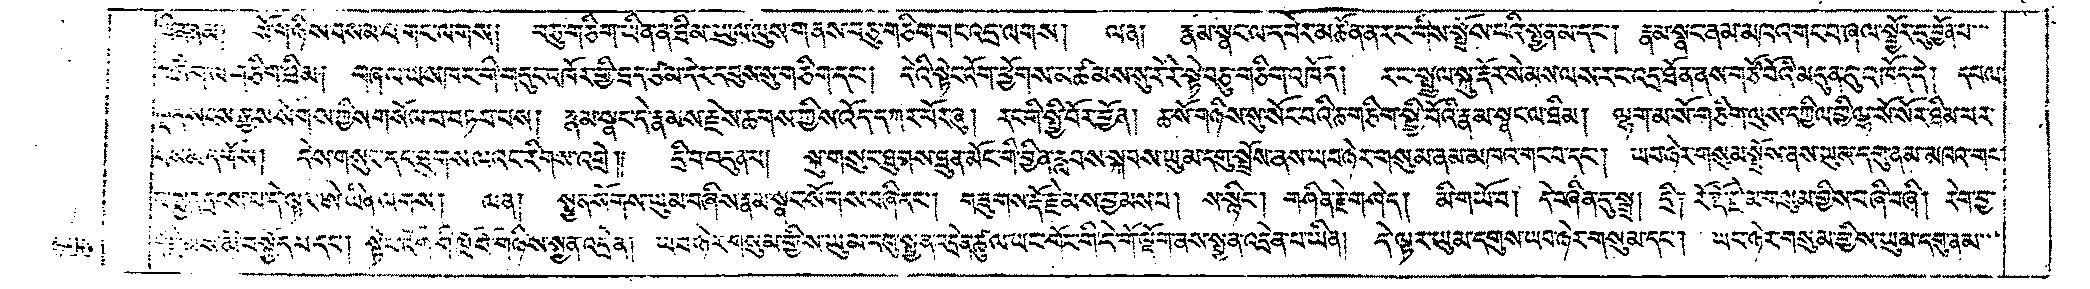ཡིན་ནམ། སོ་གཉིས་བསམ་པ་གང་ལགས། བཅུ་གཅིག་ཡིན་ན་ཐིམ་ཡུལ་ལུས་གནས་བཅུ་གཅིག་གང་འདྲ་ལགས། ལན། རྣམ་སྣང་ལ་དཔེར་མཚོན་ན་རང་གིས་སྤྲོས་པའི་སྤྱན་མ་དང་། རྣམ་སྣང་ནམ་མཁའ་གང་བ་ཞལ་སྦྱོར་དུ་བྱོན་པ་་་
གཅིག་ལ་གཅིག་ཐིམ། གཞལ་ཡས་ཁང་གི་གདུང་འཁོར་གྱི་ཐད་ཙམ་དེར་དབུས་སུ་གཅིག་དང་། དེའི་སྟེང་འོག་ཕྱོགས་མཚམས་སུ་རེ་རེ་སྟེ་བཅུ་གཅིག་འཁོད། རང་སྤྲུལ་སྐུ་རྡོར་སེམས་ལས་རང་འདྲ་ཐོན་ནས་གཙོ་བོའི་མདུན་དུ་འཁོད་དེ། དཔལ་
ལྡན་སངས་རྒྱས་སོགས་ཀྱིས་གསོལ་བ་བཏབ་པས། རྣམ་སྣང་དེ་རྣམས་རྗེས་ཆགས་ཀྱིས་འོད་དཀར་པོར་ཞུ། རང་གི་སྤྱི་བོར་བྱོན། ཆ་སོ་གཉིས་སུ་སོང་བའི་ཆ་གཅིག་སྤྱི་བོའི་རྣམ་སྣང་ལ་ཐིམ། ལྷག་མ་སོ་གཅིག་ལུས་དཀྱིལ་གྱི་ལྷ་སོ་སོར་ཐིམ་པར་
བསམ་དགོས། དེས་གསུང་དང་ཐུགས་ལའང་རིགས་འགྲེ།། དྲི་བ་བདུན་པ། སྐུ་གསུང་ཐུགས་ཐུན་མོང་གི་བྱིན་རླབས་སྐབས་ཡུམ་དགུ་སྤྲོས་ནས་ཡབ་ཉེར་གསུམ་ནམ་མཁའ་གང་བ་དང་། ཡབ་ཉེར་གསུམ་སྤྲོས་ནས་ཡུམ་དགུ་ནམ་མཁའ་གང་
བ་སྤྱན་དྲངས་པ་དེ་ལྟར་ཨེ་ཡིན་ལགས། ལན། སྤྱན་སོགས་ཡུམ་བཞིས་རྣམ་སྣང་སོགས་བཞི་དང་། གཟུགས་རྡོ་རྗེ་མས་བྱམས་པ། ས་སྙིང་། གཤིན་རྗེ་གཤེད། མི་གཡོ་བ། དེ་བཞིན་དུ་སྒྲ། དྲི༑ རོ་རྡོ་རྗེ་མ་གསུམ་གྱིས་བཞི་བཞི། རེག་བྱ་
རྡོ་རྗེ་མས་མི་བསྐྱོད་པ་དང་། སྟེང་འོག་གི་ཁྲོ་བོ་གཉིས་སྤྱན་འདྲེན། ཡབ་ཉེར་གསུམ་གྱིས་ཡུམ་དགུ་སྤྱན་འདྲེན་ཚུལ་ཡང་གོང་གི་དེ་གོ་ལྡོག་ནས་སྤྱན་འདྲེན་པ་ཡིན། དེ་ལྟར་ཡུམ་དགུས་ཡབ་ཉེར་གསུམ་དང་། ཡབ་ཉེར་གསུམ་གྱིས་ཡུམ་དགུ་ནམ་་་